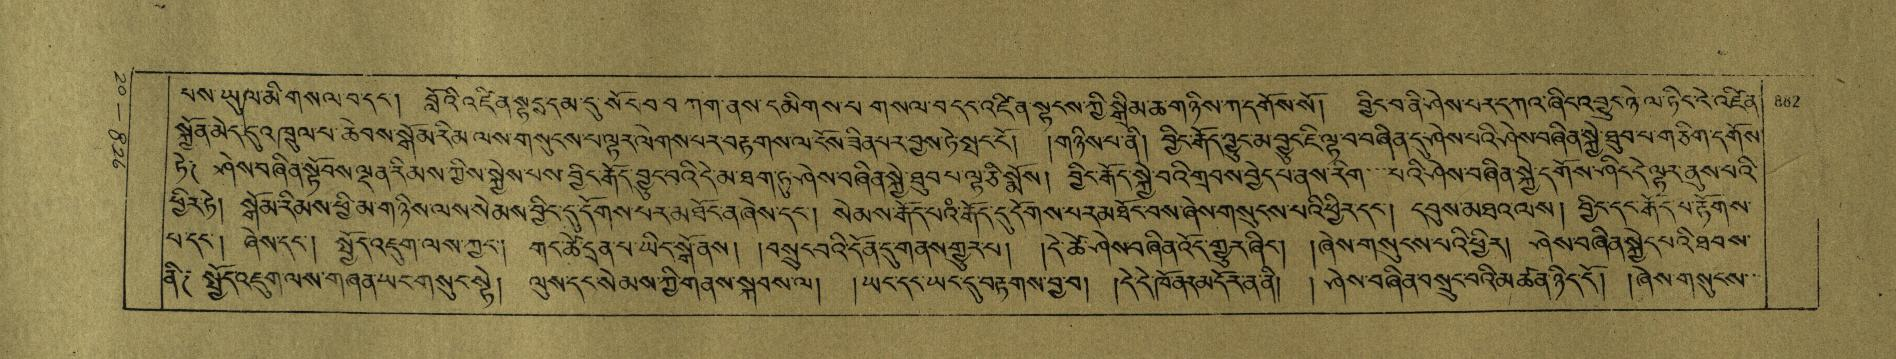པས་ཡུལ་མི་གསལ་བ་དང་། བློའི་འཛིན་སྟངས་དམ་དུ་སོང་བ་བཀག་ནས་དམིགས་པ་གསལ་བ་དང་འཛིན་སྟངས་ཀྱི་སྒྲིམ་ཆ་གཉིས་ཀ་དགོས་སོ། བྱིང་བ་ནི་ཤེས་པར་དཀའ་ཞིང་འབྱུང་ཉེ་ལ་ཏིང་ངེ་འཛིན་
སྐྱོན་མེད་དུ་འཁྲུལ་པ་ཆེ་བས་སྒོམ་རིམ་ལས་གསུངས་པ་ལྟར་ལེགས་པར་བརྟགས་ལ་ངོས་ཟིན་པར་བྱས་ཏེ་སྤང་ངོ། །གཉིས་པ་ནི། བྱིང་རྒོད་བྱུང་མ་བྱུང་ཇི་ལྟ་བ་བཞིན་དུ་ཤེས་པའི་ཤེས་བཞིན་སྐྱེ་ཐུབ་པ་གཅིག་དགོས་
ཏེ༑ ཤེས་བཞིན་སྟོབས་ལྡན་རིམས་ཀྱིས་སྐྱེས་པས་བྱིང་རྒོད་བྱུང་བའི་དེ་མ་ཐག་ཏུ་ཤེས་བཞིན་སྐྱེ་ཐུབ་པ་ལྟ་ཅི་སྨོས། བྱིང་རྒོད་སྐྱེ་བའི་གྲབས་བྱེད་པ་ནས་རིག་པའི་ཤེས་བཞིན་སྐྱེ་དགོས་ཤིང་དེ་ལྟར་ནུས་པའི་
ཕྱིར་ཏེ། སྒོམ་རིམས་ཕྱི་མ་གཉིས་ལས་སེམས་བྱིང་དུ་དོགས་པར་མཐོང་ན་ཞེས་དང་། སེམས་རྒོད་པའཾ་རྒོད་དུ་དོགས་པར་མཐོང་བས་ཞེས་གསུངས་པའི་ཕྱིར་དང་། དབུས་མཐའ་ལས། བྱིང་དང་རྒོད་པ་རྟོགས་
པ་དང་། ཞེས་དང་། སྤྱོད་འཇུག་ལས་ཀྱང་། གང་ཚེ་དྲན་པ་ཡིད་སྒོ་ནས། །བསྲུང་བའི་དོན་དུ་གནས་གྱུར་པ། །དེ་ཚེ་ཤེས་བཞིན་འོད་གྱུར་ཞིང་། །ཞེས་གསུངས་པའི་ཕྱིར། ཤེས་བཞིན་སྐྱེད་པའི་ཐབས་
ནི༑ སྤྱོད་འཇུག་ལས་གཞན་ཡང་གསུང་སྟེ། ལུས་དང་སེམས་ཀྱི་གནས་སྐབས་ལ། །ཡང་དང་ཡང་དུ་བརྟགས་བྱ་བ། །དེ་དེ་ཁོ་ནར་མདོར་ན་ནི། །ཤེས་བཞིན་བསྲུང་བའི་མཚན་ཉིད་དོ། །ཞེས་གསུངས་